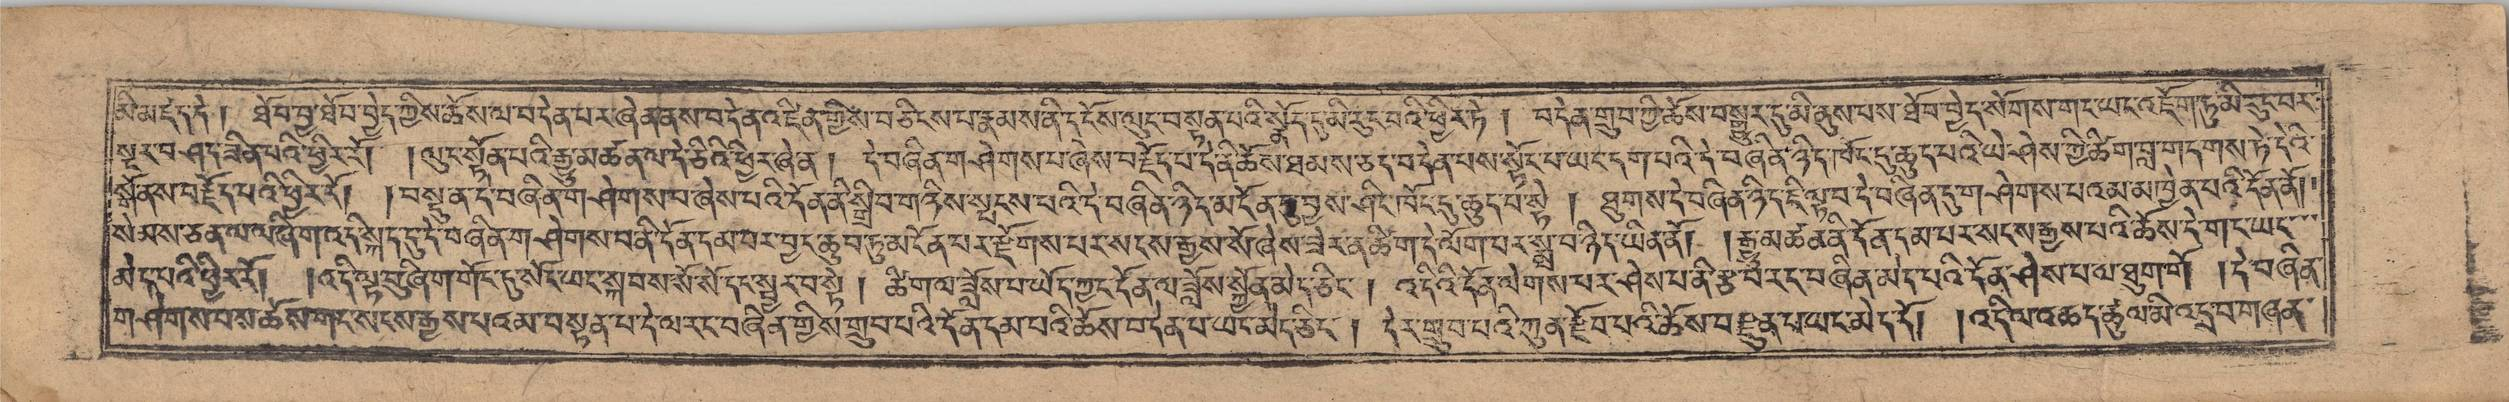མི་མཛད་དེ། ཐོབ་བྱ་ཐོབ་བྱེད་ཀྱིས་ཆོས་ལ་བདེན་པར་ཞེན་ནས་བདེན་འཛིན་གྱིས་གཅིངས་པ་རྣམས་ནི་དངོས་ལུང་བསྟན་པའི་སྣོད་ཏུ་མི་རུང་བའི་ཕྱིར་ཏེ། བདེན་གྲུབ་ཀྱི་ཆོས་བསྒྱུར་ཏུ་མི་ནུས་པས་ཐོབ་བྱེད་སོགས་གང་ཡང་འཇོག་ཏུ་མི་རུང་བར་
སྔར་བཤད་ཟིན་པའི་ཕྱིར་རོ། །ལུང་སྟོན་པའི་རྒྱུ་མཚན་ལ་དེ་ཅིའི་ཕྱིར་ཞེ་ན། དེ་བཞིན་གཤེགས་པ་ཞེས་བརྗོད་ལ་དེ་ནི་ཆོས་ཐམས་ཅད་བདེན་པས་སྟོང་པ་ཡང་དག་པའི་དེ་བཞིན་ཉིད་ཁོང་དུ་ཆུད་པའི་ཡེ་ཤེས་ཀྱི་ཚིག་སླ་གདགས་ཏེ་དེའི་
སྒོ་ནས་བརྗོད་པའི་ཕྱིར་རོ། །བསྡུ་ན་དེ་བཞིན་གཤེགས་པ་ཞེས་པའི་དོན་ནི་སྒྲིབ་གཉིས་སྤངས་པའི་དེ་བཞིན་ཉིད་མངོན་དུ་བྱས་ཤིང་ཁོང་དུ་ཆུད་པ་སྟེ། ཐུགས་དེ་བཞིན་ཉིད་ཇི་ལྟ་བ་དེ་བཞིན་དུ་གཤེགས་པའམ་མཁྱེན་པའི་དོན་ནོ།
སེམས་ཅན་ལ་ལ་ཞིག་འདི་སྐད་དུ་དེ་བཞིན་གཤེགས་པ་ནི་དོན་དམ་པར་བྱང་ཆུབ་ཏུ་མངོན་པར་རྫོགས་པར་སངས་རྒྱས་སོ་ཞེས་ཟེར་ན་ཚིག་དེ་ལོག་པར་སྨྲ་བ་ཉིད་ཡིན་ནོ། །རྒྱུ་མཚན་ནི་དོན་དམ་པར་སངས་རྒྱས་པའི་ཆོས་དེ་གང་ཡང་
མེད་པའི་ཕྱིར་རོ། །འདི་ལྟ་བུ་ཞིག་གོང་དུ་སོང་ཡང་སྐབས་སོ་སོ་དང་སྦྱར་བ་སྟེ། ཚིག་ལ་ཟློས་པ་ཡོད་ཀྱང་དོན་ལ་ཟློས་སྐྱོན་མེད་ཅིང་། འདིའི་དོན་ལེགས་པར་ཤེས་པ་ནི་རྩ་བ་རང་བཞིན་མེད་པའི་དོན་ཤེས་པ་ལ་ཐུག་གོ །དེ་བཞིན་
གཤེགས་པས་ཆོས་གང་སངས་རྒྱས་པའམ་བསྟན་པ་དེ་ལ་རང་བཞིན་གྱིས་གྲུབ་པའི་དོན་དམ་པའི་ཆོས་བདེན་པ་ཡང་མེད་ཅིང་། དེར་གྲུབ་པའི་ཀུན་རྫོབ་པའི་ཆོས་བརྫུན་པ་ཡང་མེད་དོ། །འདི་ལ་འཆད་ཚུལ་མི་འདྲ་བ་གཞན་